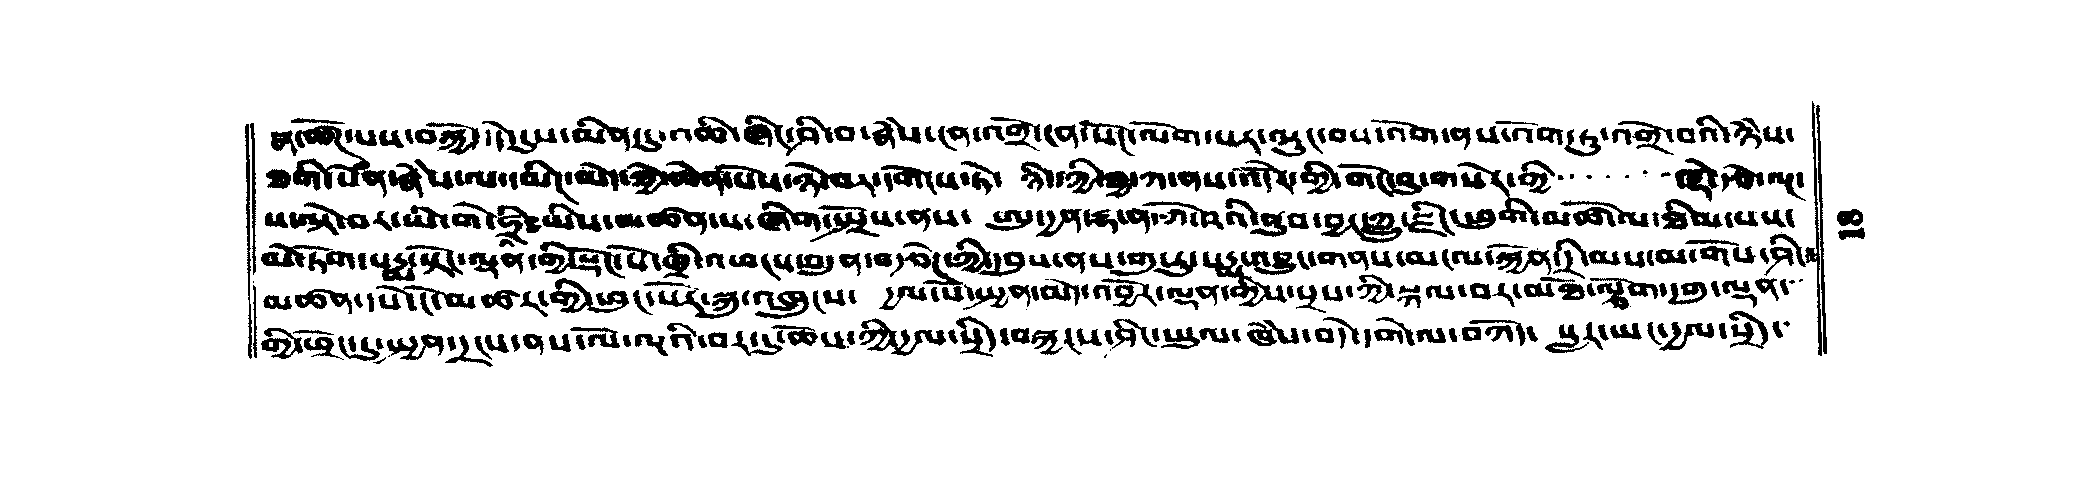སྣ་ཚོགས་པས་བསྐྱོད་དེ་དུས་མིན་དུ་འཆི་ཞིང་ཤི་བ་རྣམས་ངན་འགྲོ་ངན་སོང་ལོག་པར་ལྟུང་བས་འོག་ནས་འོག་ཏུ་འགྲོ་བའི་ཉམས་
ཐག་གི་སེམས་རྣམས་ལ་དམིགས་མེད་ཐུགས་རྗེ་ཆེན་པོས་ཉེ་བར་དོངས་ཏེ།ཉིད་ཀྱི་ཐུགས་ཀ་ནས་འོད་ཟེར་གྱི་གོང་བུ་གསེར་གྱི་རྡོ་རྗེ་རྩེ་ལྔ་
པ་ལྟེ་བར་ཡི་གེ་ཧྲཱིཿཡིས་མཚན་པ་ཞིག་སྤྲོས་ནས། ཨུ་རྒྱན་དྷ་ན་ཀོ་རའི་ནུབ་བྱག་ཀླུ་རྫིང་ཕུག་གི་མཚོ་ལ་ཐིམ་པས་
མེ་ཏོག་པདྨ་སྟོང་ལྡན་གྱི་སྡོང་པོ་ཁྲི་འཕངས་བདུན་བརྩེགས་ཀྱི་དབུས་ནས་གུ་རུ་པདྨ་འབྱུང་གནས་མངལ་སྐྱོན་དྲི་མས་མ་གོས་ཤིང་
མཚན་དཔེ་ངོ་མཚར་གྱི་ཕུང་པོར་སྐུ་འཁྲུངས། རྒྱལ་པོ་སྤྱན་མེད་འབྱོར་ལྡན་གྱིས་སྲས་ཀྱི་སྐལ་བར་མཐོ་ལྕོག་དགུ་ལྡན་
གྱི་ཕོ་བྲང་དུ་སྤྱན་དྲངས་ནས་ལོ་ལྔའི་བར་དུ་ཆོས་ཀྱི་རྒྱལ་སྲིད་བསྐྱངས་ཤིང་ཡུལ་ཁམས་བདེ་དགེ་ལ་བཀོད། སླར་ཡང་རྒྱལ་སྲིད་